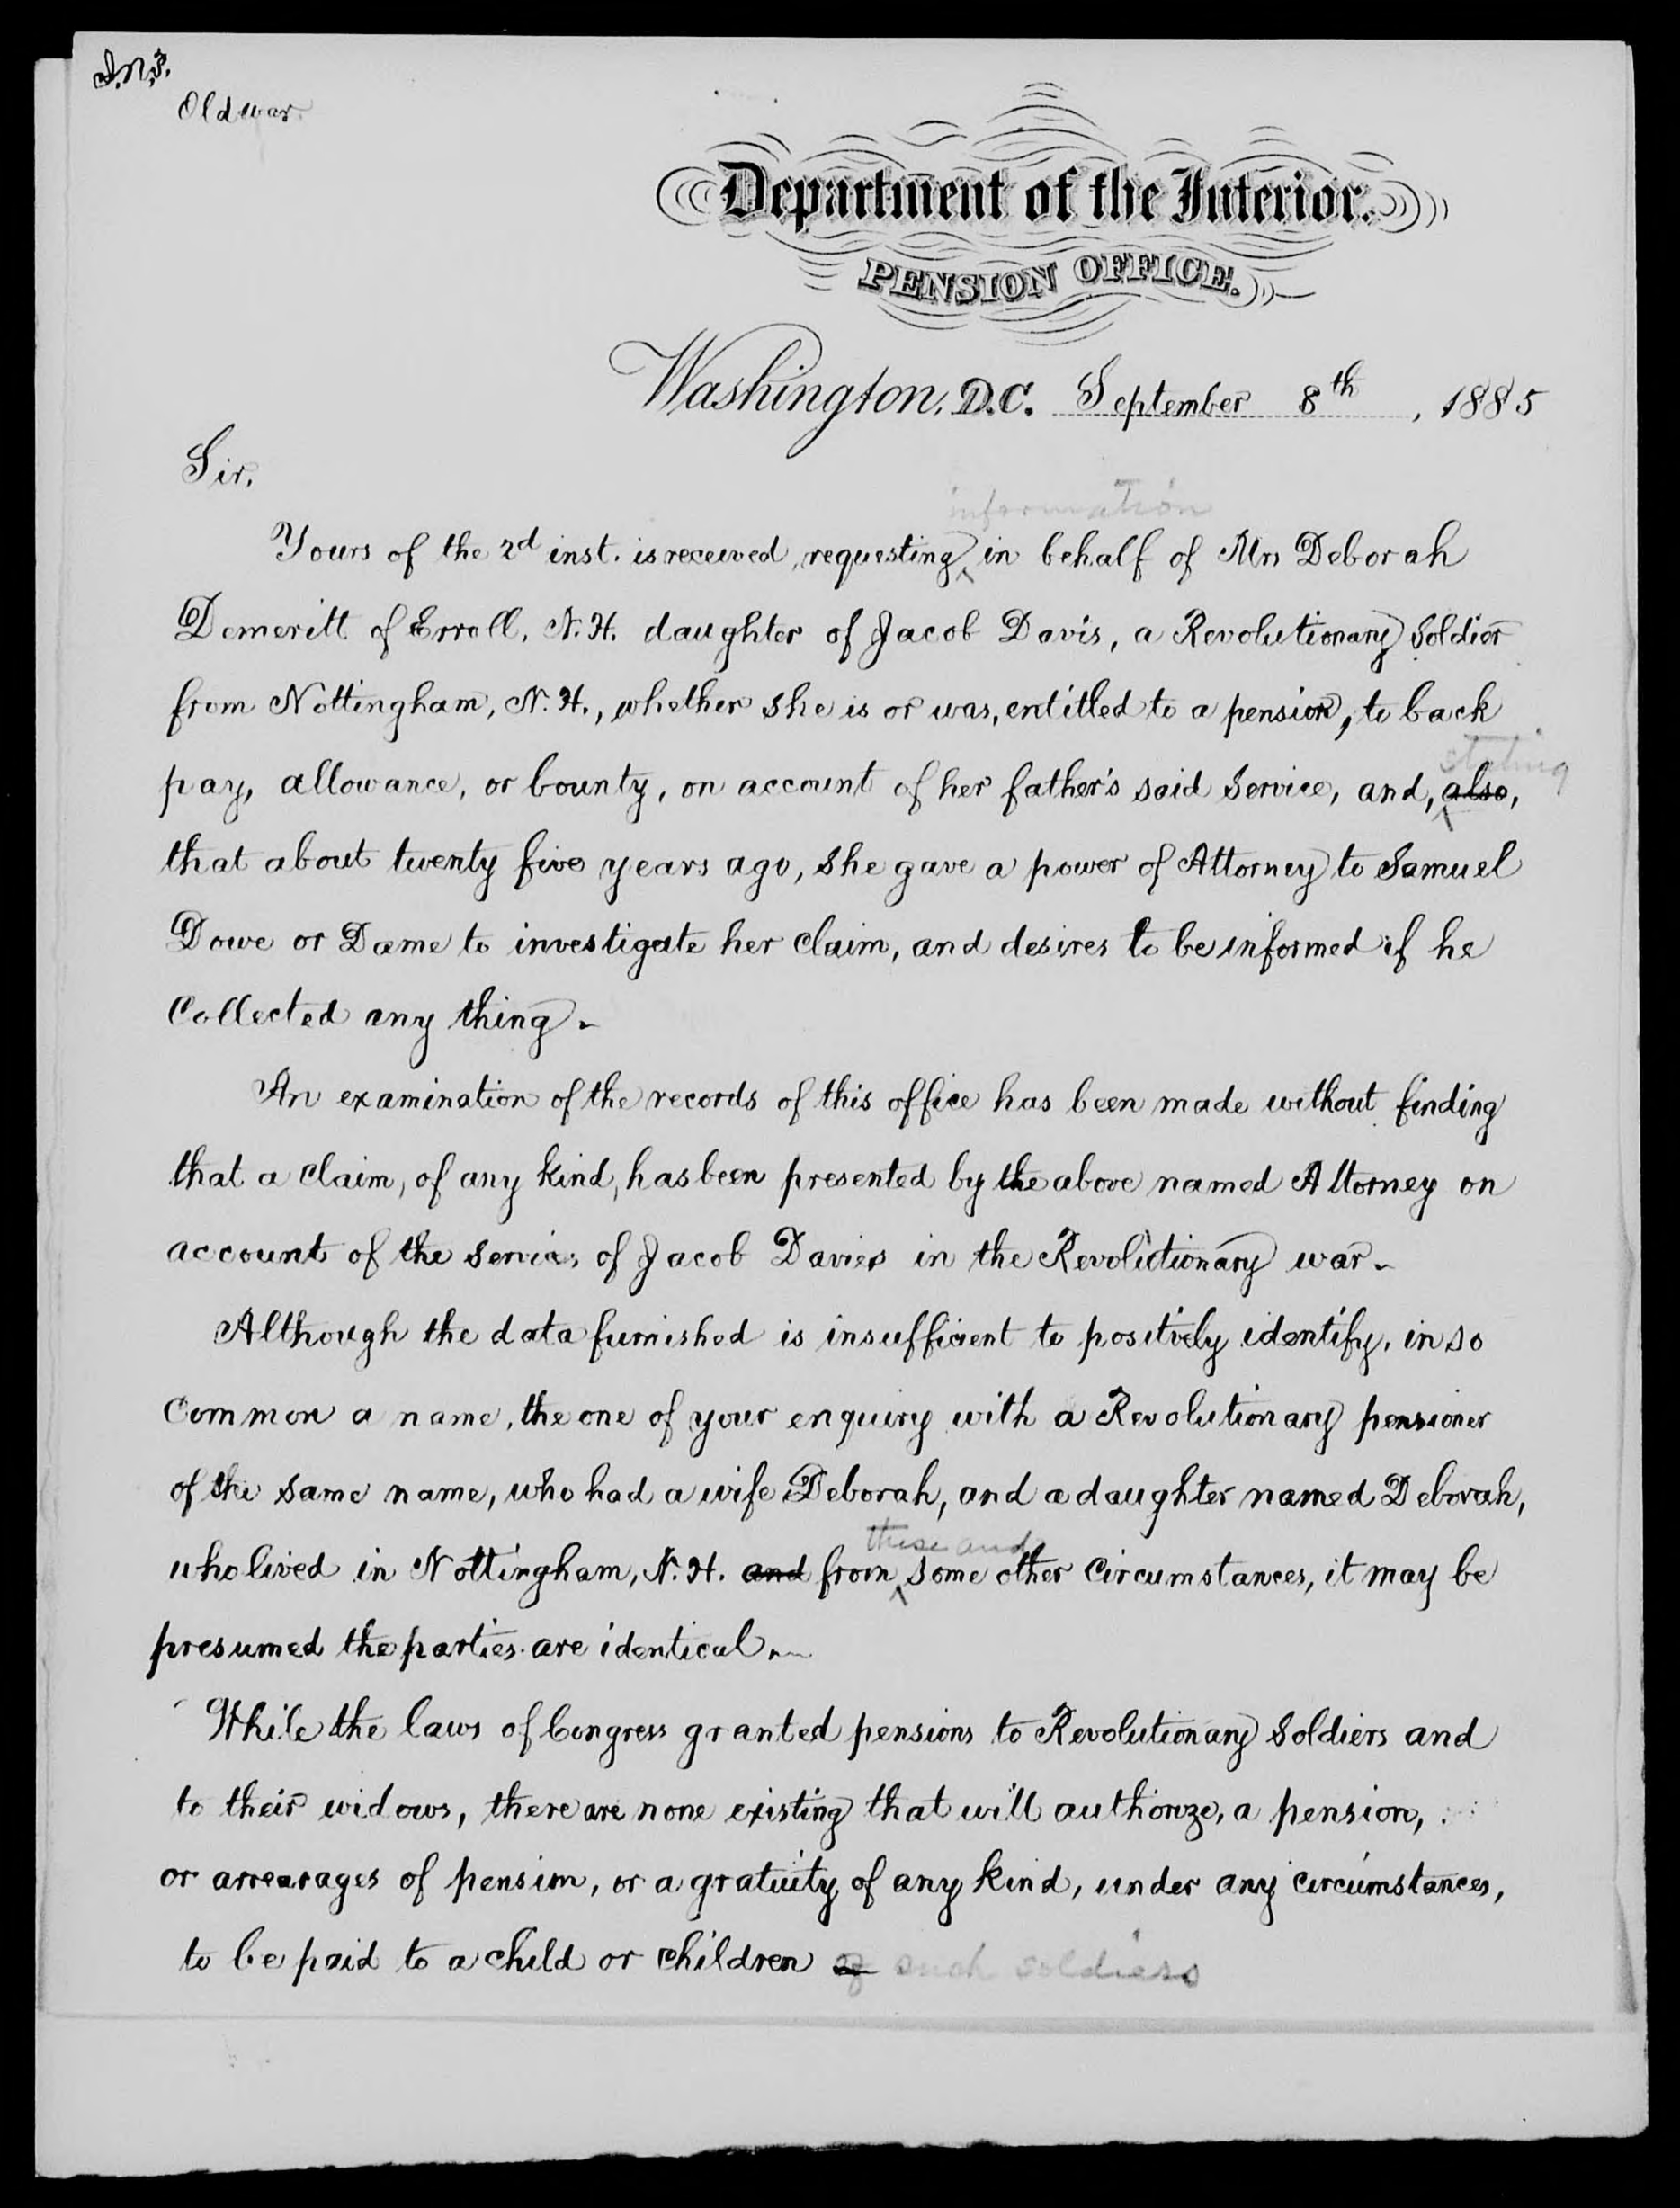I. N. S.
Old war
Department of the Interior
PENSION OFFICE
Washington, D.C. September 8th 1885
Sir,
Yours of the 2d inst, is received, requesting information in behalf of Mrs Deborah Demeritt of Erroll, N.H. daughter of Jacob Davis, a Revolutionary Soldier from Nottingham, N.H. whether she is or was, entitled to a pension, to back
pay allowance, or bounty, on account of her father's said service, and, stating [crossed out] also, that about twenty five years ago, she gave a power of Attorney to Samuel
Dowe or Dame to investigate her claim, and desires to be informed if he Collected any thing.
An examination of the records of this office has been made without finding that a claim, of any kind, has been presented by the above named Attorney on account of the service of Jacob Davies in the Revolutionary war
Although the data furnished is insufficient to positively identify, in so Common a name, the one of your enquiry with a Revolutionary pensioner of the same name, who had a wife Deborah, and a daughter named Deborah,
who lived in Nottingham, N.H. and from these and some other circumstances, it may be presumed the parties are identical.
While the laws of Congress granted pensions to revolutionary soldiers and to their widows, there are none existing that will authorize, a pension, or arrearages of pension, or a gratuity of any kind, under any  circumstances, to be paid to a child or children of such soldiers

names: Jacob Davis, Samuel Dowe, Samuel Dame, Deborah, Deborah Demeritt, Deborah, Jacob Davies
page: 46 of 47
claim: widow's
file: W. 24043, Jacob Davis, N.H.